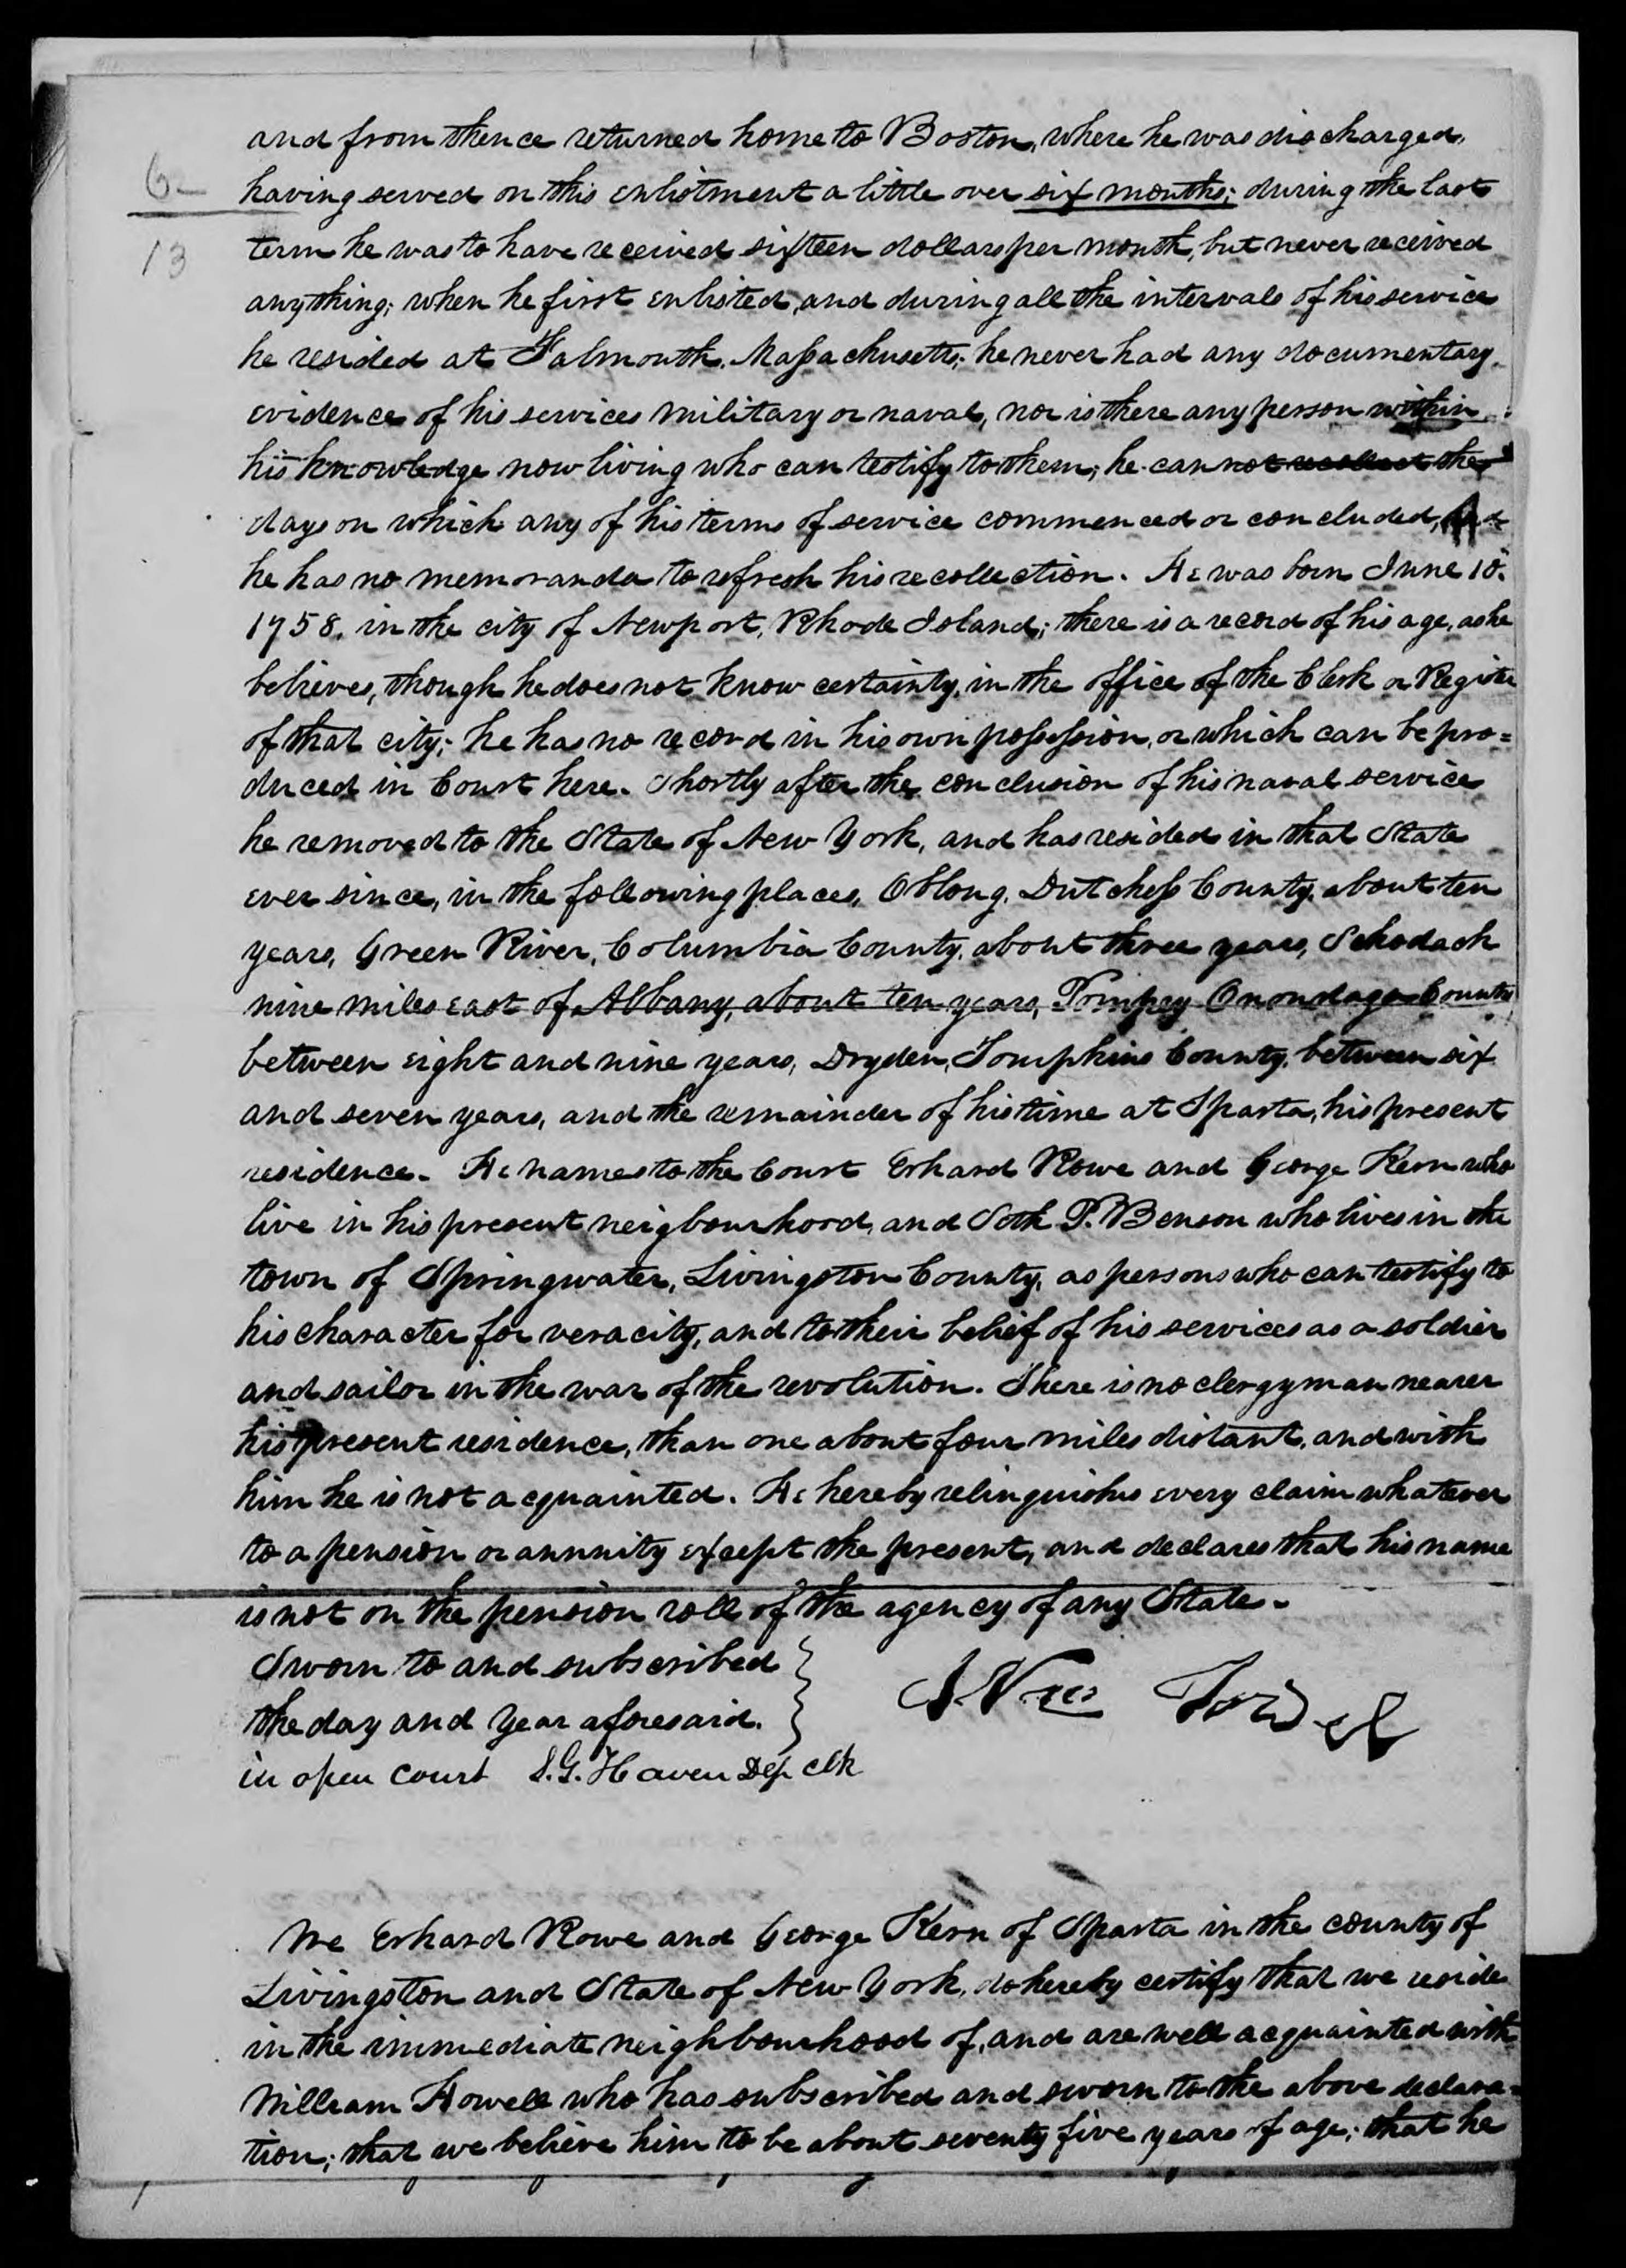and from thence returned home to Boston, where he was discharged, having served on this enlistment a little over six months; during the last term he was to have received sixteen dollars per month, but never received anything; when he first enlisted, and during all the intervals of his service, he resided at Falmouth Massachusetts; he never had any documentary evidence of his service military or naval, nor is there any person within his knowledge now living who can testify to them; he cannot recollect the days on which any of his terms of service commenced or concluded, and he has no memoranda to refresh his recollection.  He was born June 18, 1758, in the city of Newport, Rhode Island; there is a record of his age, as he believes, though he does not know certainty in the office of the Clerk or Register of that city; he has no record in his own possession, or which can be produced in court here.  Shortly after the conclusion of his naval service he removed to the State of New York, and has resided in that State ever since, in the following places, Ossing (?) Dutchess County, about ten years, Green River Columbia County, about three years, Schodack (?), nine miles east of Albany, about ten years, Pompey, Onondaga County, between eight and nine years, Dryden, Tomkins County, between six and seven years, and the remainder of his time at Sparta, his present residence.  He names to the court Erhard Rowe and George Kern who live in his present neighbourhood, and Seth P. Benson who lives in the town of Springwater, Livingston County, as persons who can testify to his character for veracity, and to their belief of his service as a soldier and sailor in the war of the revolution.  There is no clergyman nearer his present residence, than one about four miles distant, and with him he is not acquainted.  He hereby relinquishes every claim whatever to a pension or annuity except the present, and declares that his name is not on the pension roll of the agency of any State.  
Sworn to and subscribed the day and year aforesaid, in open court.  S.G. Haven Dep Clk
(signature) W(illegible) Howel (sic)

Mr Erhard Rowe and George Kern of Sparta in the county of Livingston and State of New York do hereby certify that we reside in the immediate neighbourhood of, and are well acquainted with William Howell who has subscribed and sworn to the above declaration; that we believe him to be about seventy five years of age; that he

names: William Howell, George Kern, S G Haven, Seth P Benson, Erhard Rowe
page: 5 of 18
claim: survivor's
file: S. 18,039, William Howell, Conn. Sea Service Mass. And Mass. Sea Service Privateer